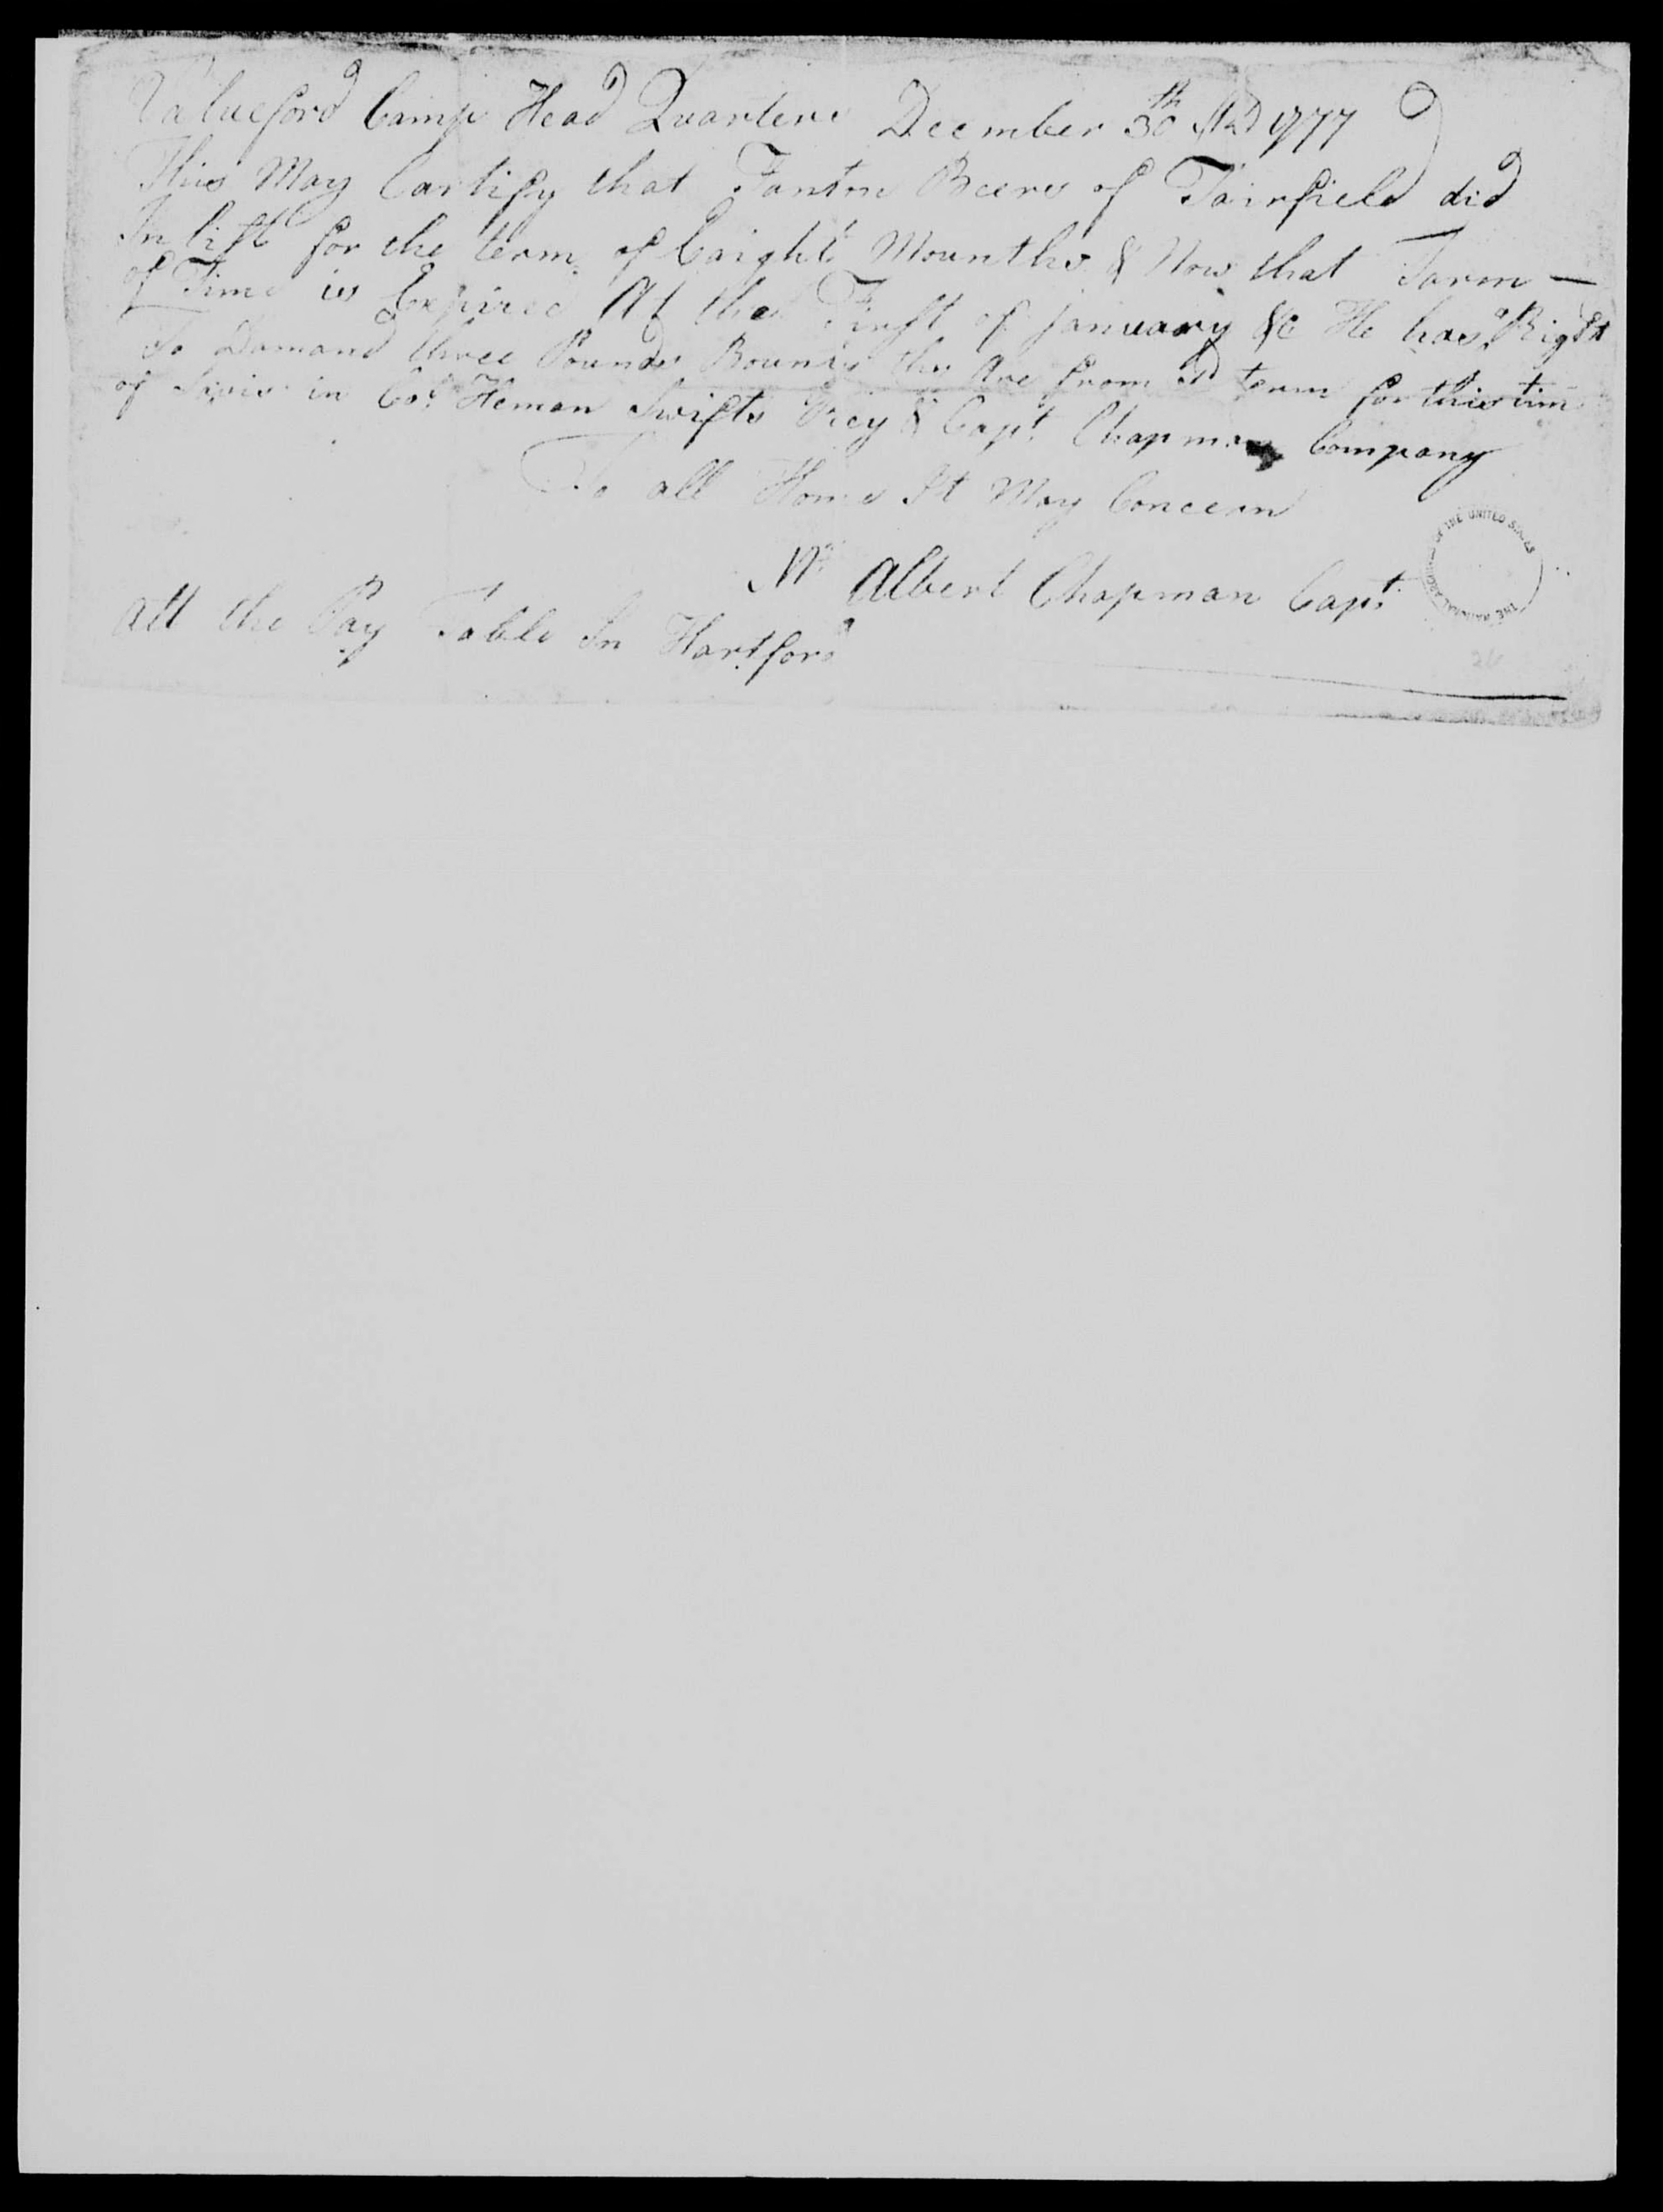Valueford Comp. Head Quarters December 30th AD 1777
This May Certify that Fanton Beers of Fairfield did inlist for the term of eight months & Now that term of time is expired aft the Fifth of January &c. He has a Right to demand three pounds Bounty this are from s'd term. for this time of service in Col. Heman Swifts Reg. & Capt. Chapmans Company
To all those it May Concern
Wm' Albert Chapman Capt. 

All the pay Table in Hartford

*stamp lower right side*
The National Archives of the United States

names: Albert Chapman, Fanton Beers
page: 9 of 23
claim: survivor's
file: S. 37,750, Fanton Beers, Conn.